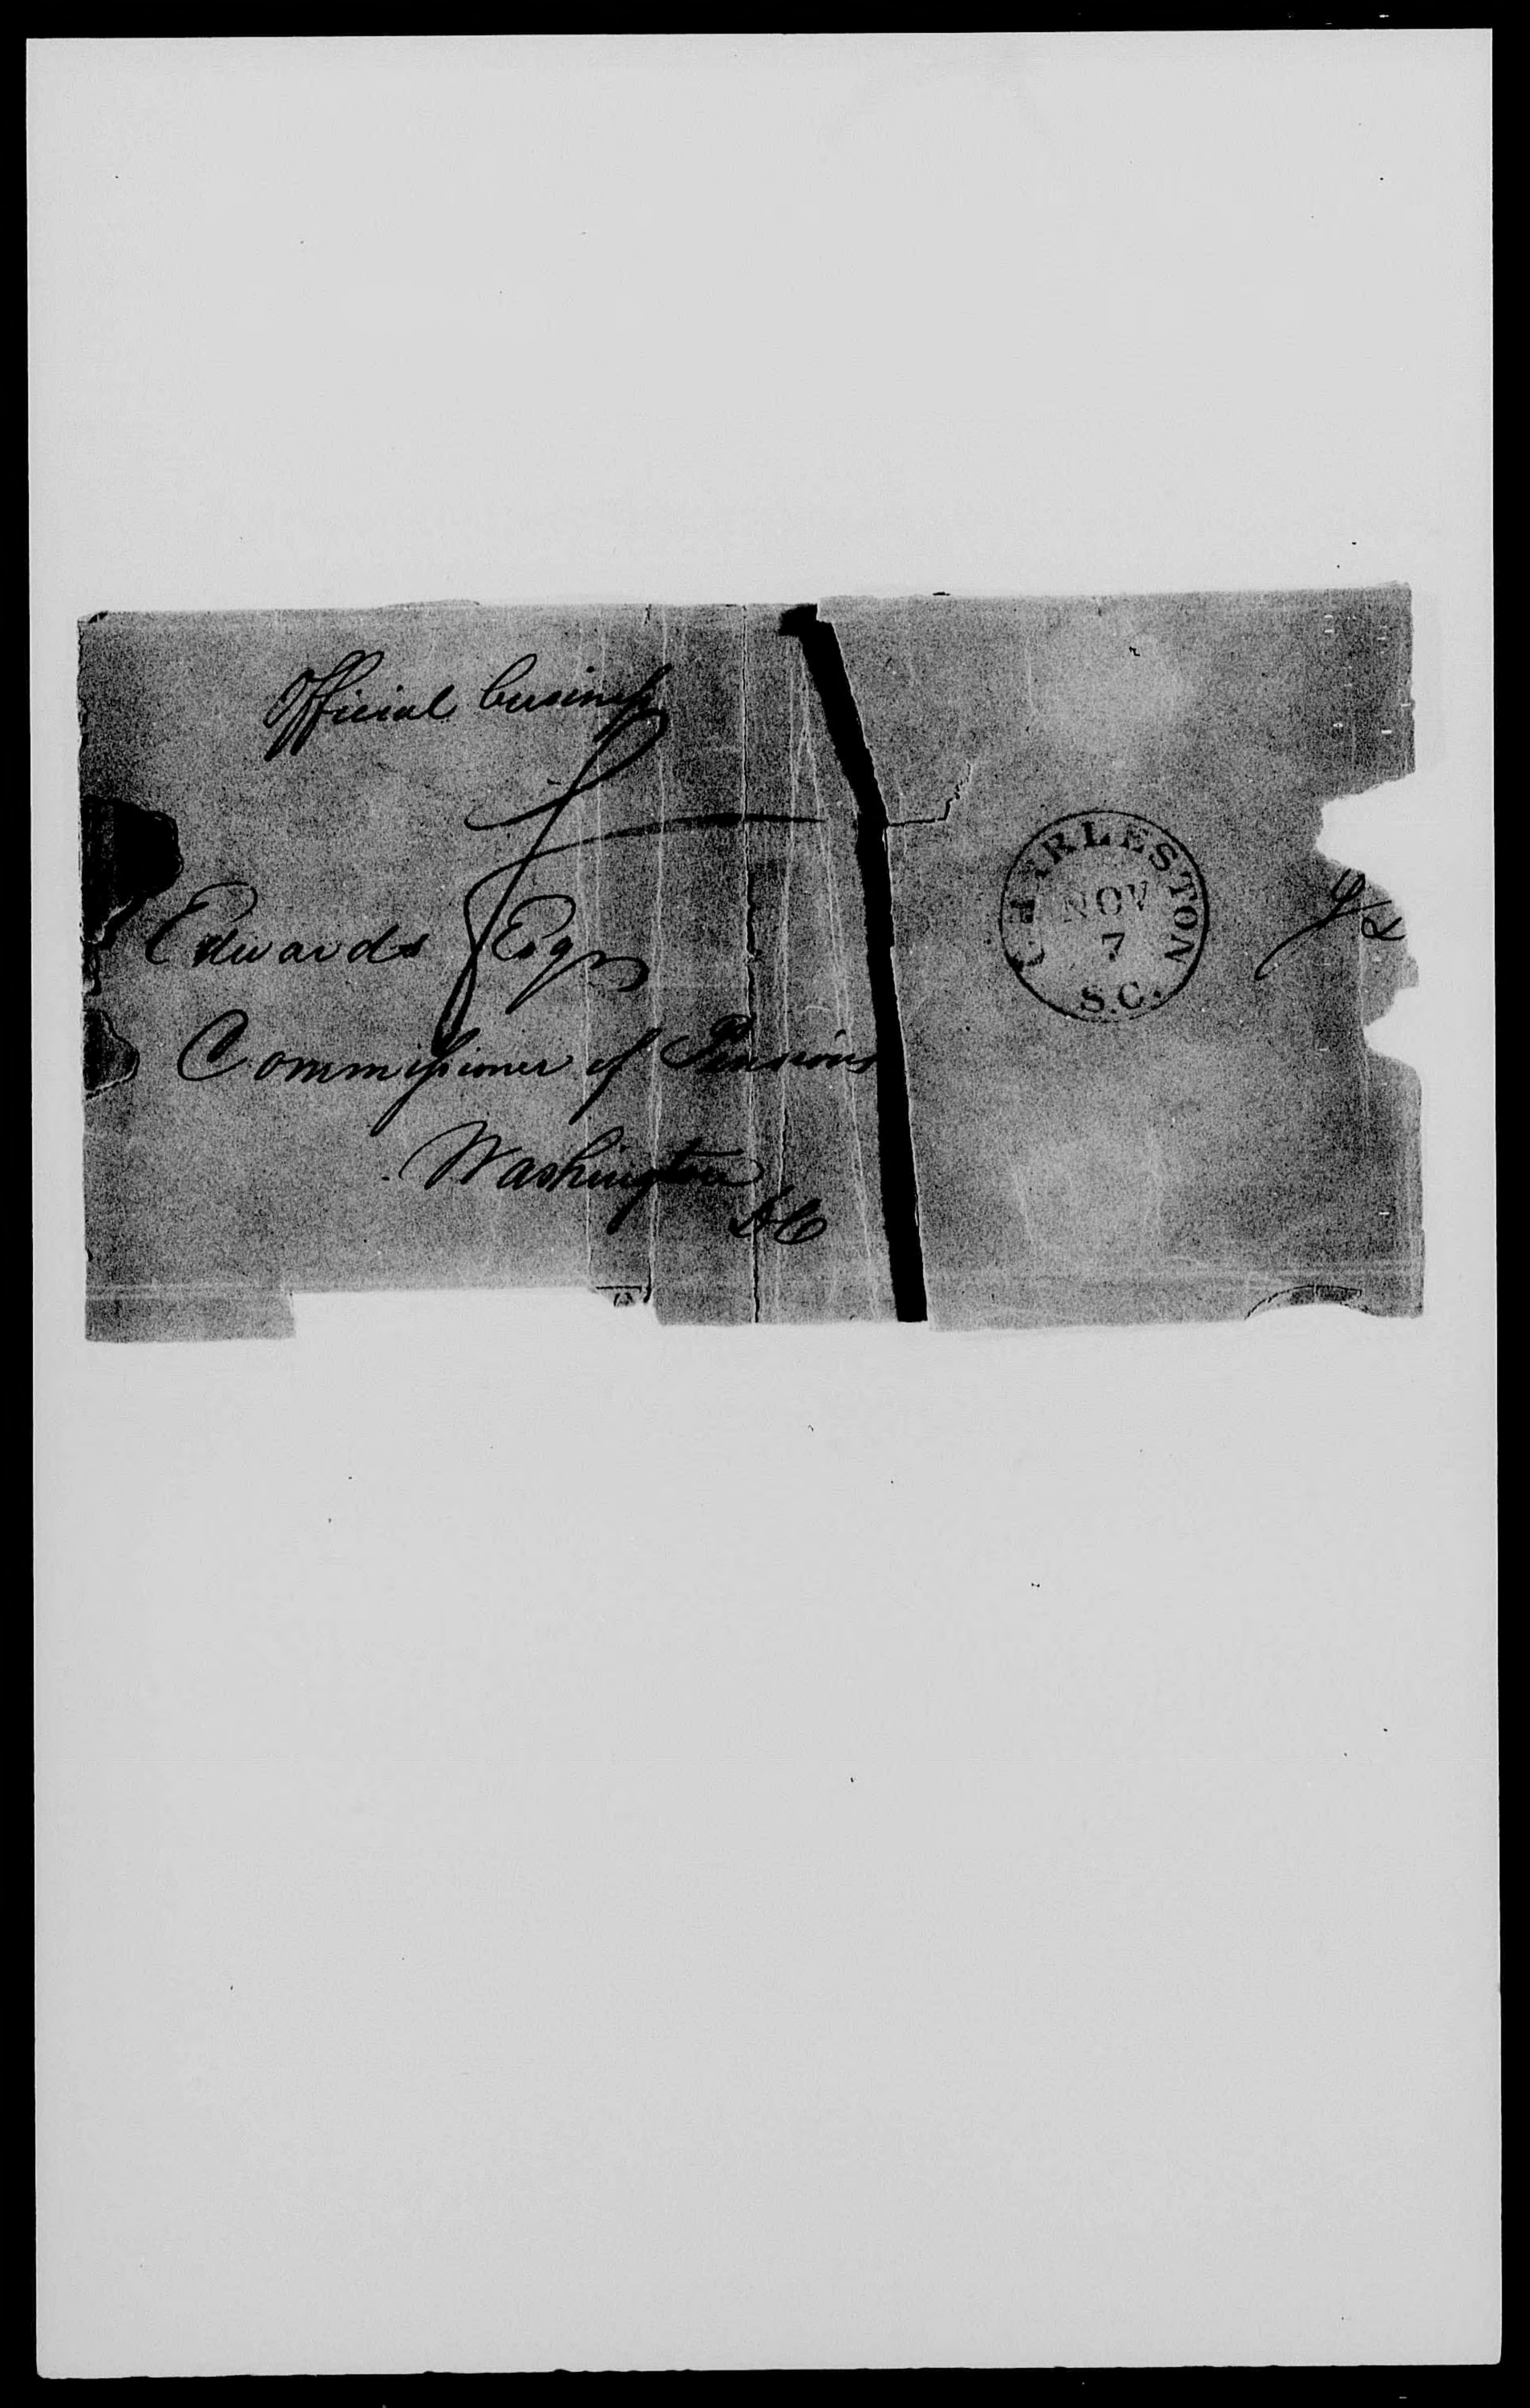official business
Edwards
Commissioner of [ ]
Washington [  ]
Charleston, SC Nov 7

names: Edwards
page: 10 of 36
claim: survivor's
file: S 6571, John Bagwell, N.C.